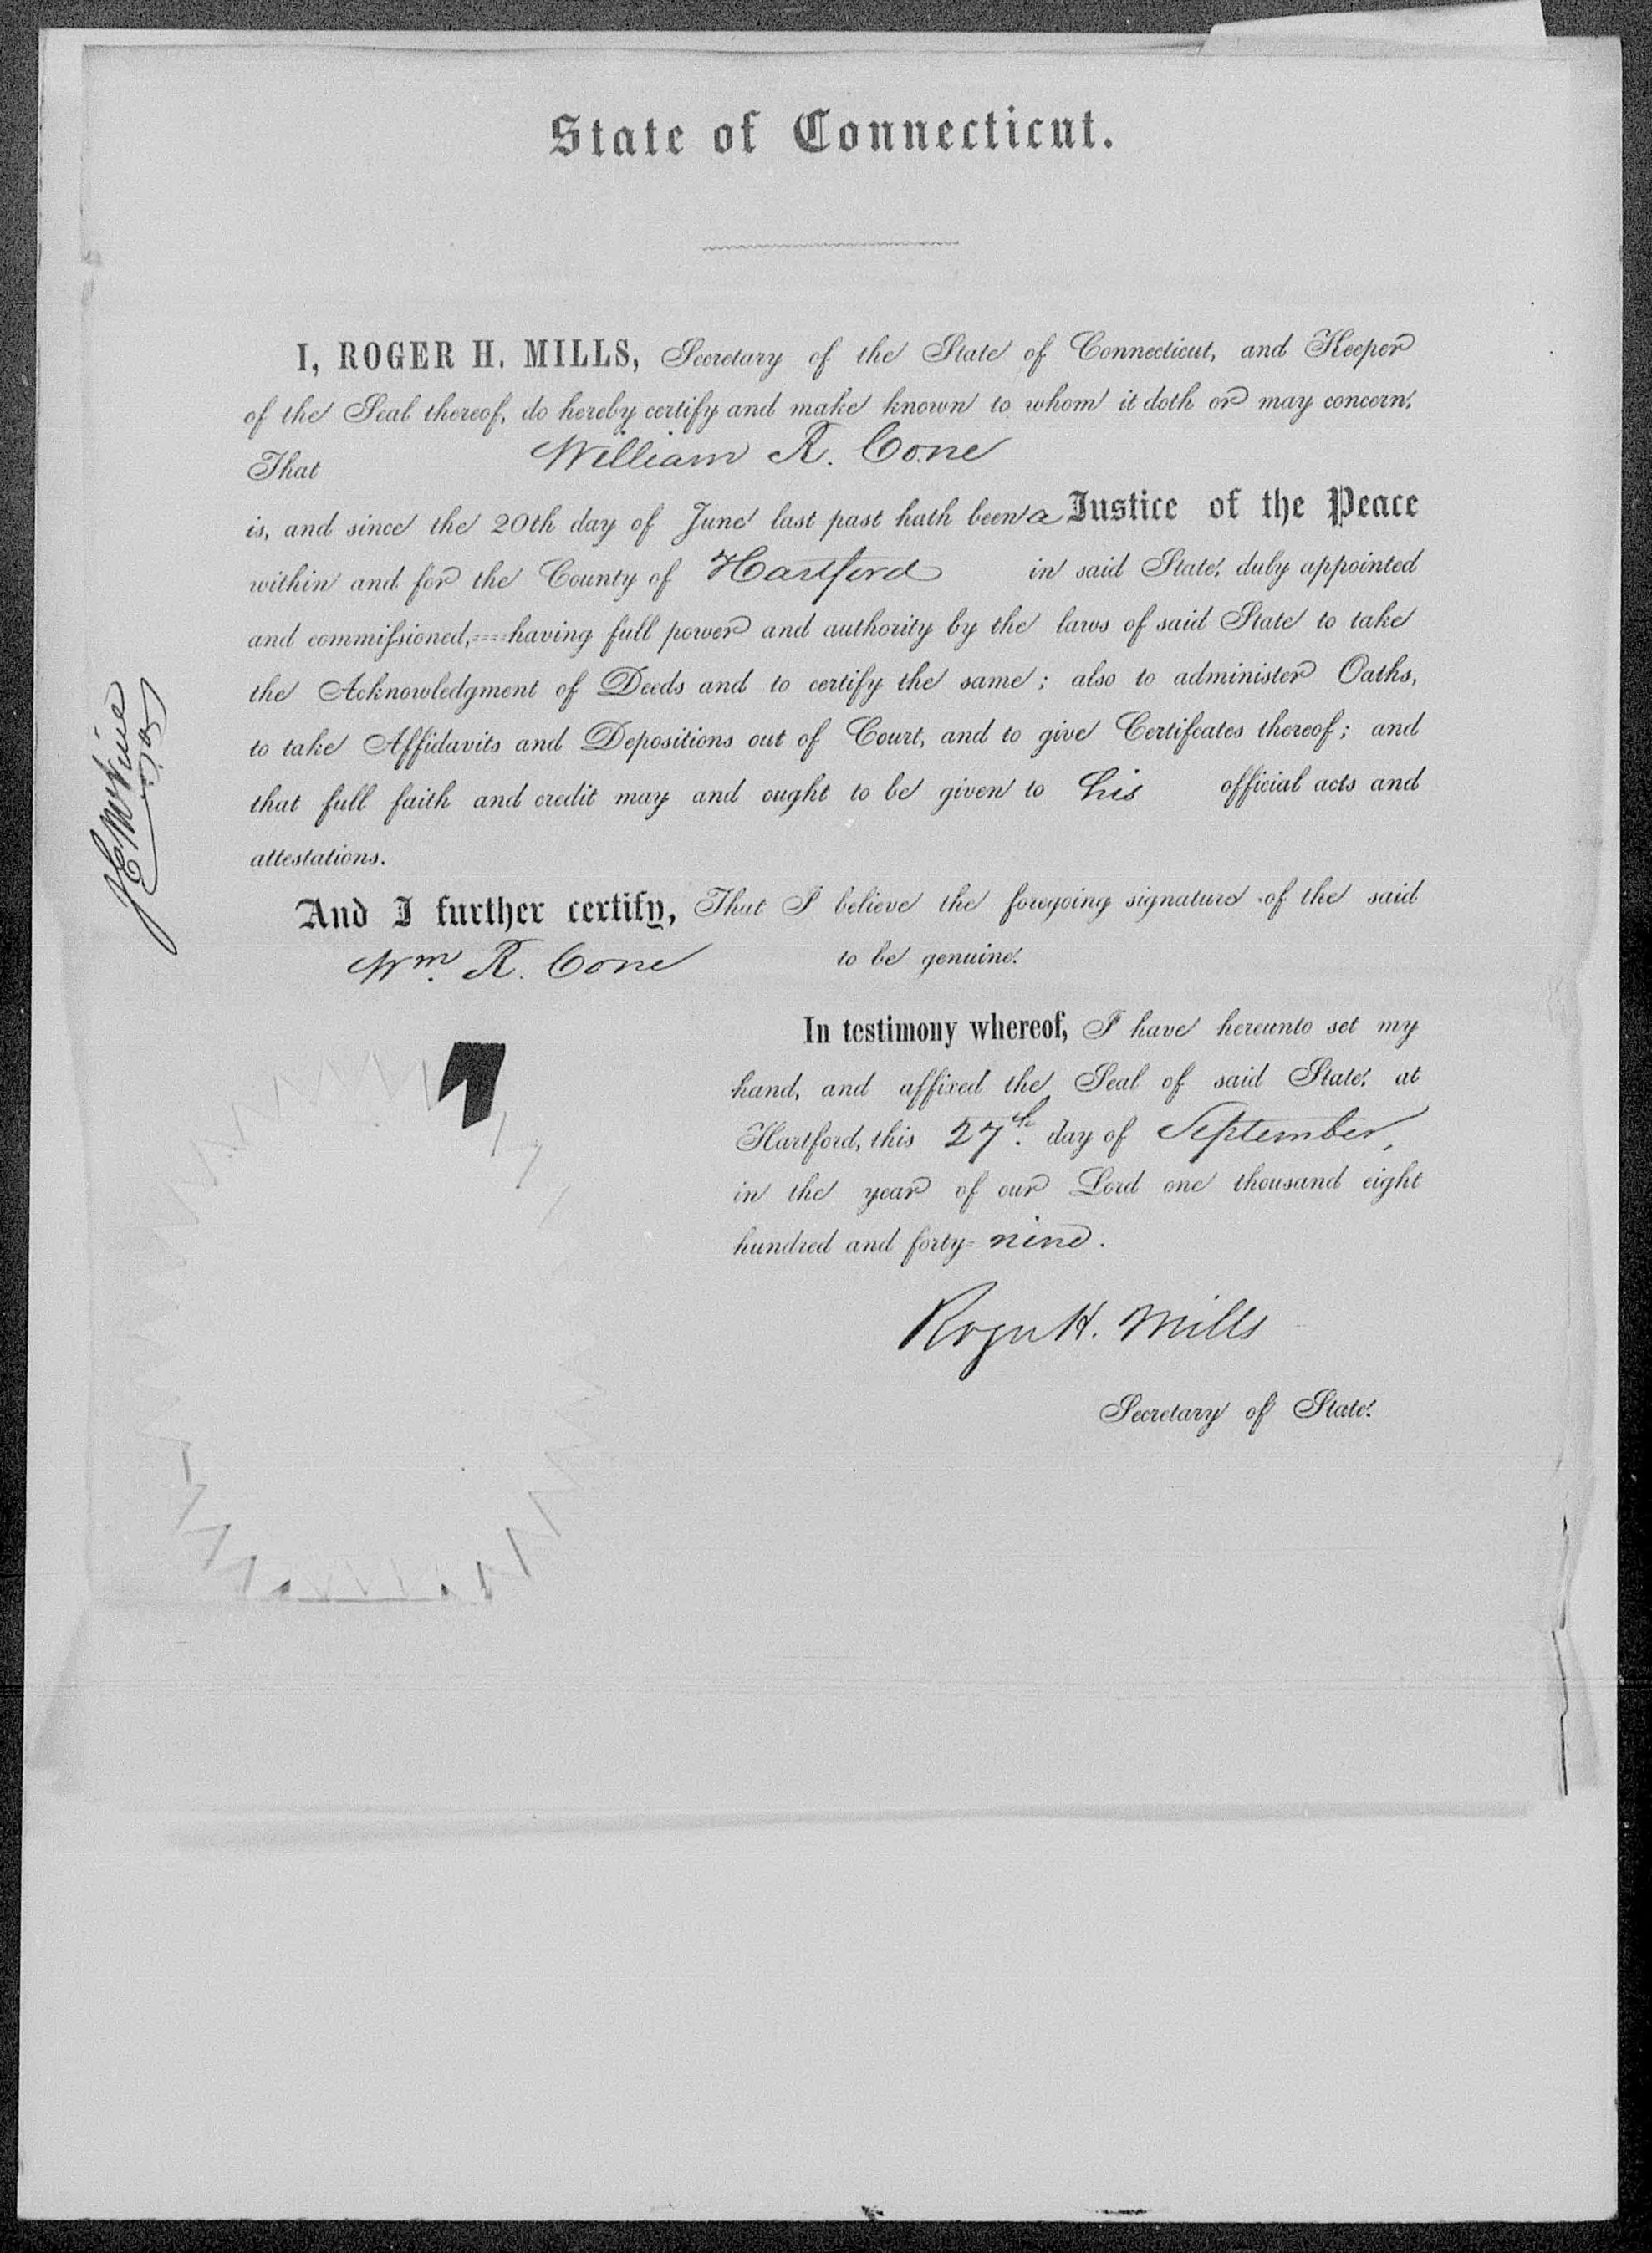J. E. McVine
State of Connecticut 
I, ROGER H. MILLS, Secretary of the State of Connecticut, and Keeper of the Seal thereof, do hereby certify and make known to whom it doth or may concern That William R. Cone is, and since the 20th day of June last past hath been a Justice of the Peace within and for the County of Hartford in said State, duly appointed and commissioned, having full power and authority by the laws of said State to take the Acknowledgment of Deeds and to certify the same; also to administer Oaths to take Affidavits and Depositions out of Court, and to give certificates thereof; and that full faith and credit may and ought to be given to his official acts and attestations. 
And I further certify, That I believe the foregoing signature of the said Wm R. Cone to be genuine. 
In testimony whereof, I have hereunto set my hand and affixed the Seal of said State, at Hartford, this 27th day of September in the year of our Lord one thousand eight hundred and forty nine.  
Roy H. Mills 
Secretary of State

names: Roger H Mills, Roger H Mills, Wm R Cone, William R Cone, J E Mc Vine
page: 19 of 51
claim: widow's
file: W. 1698, Oliver Barker, Conn.